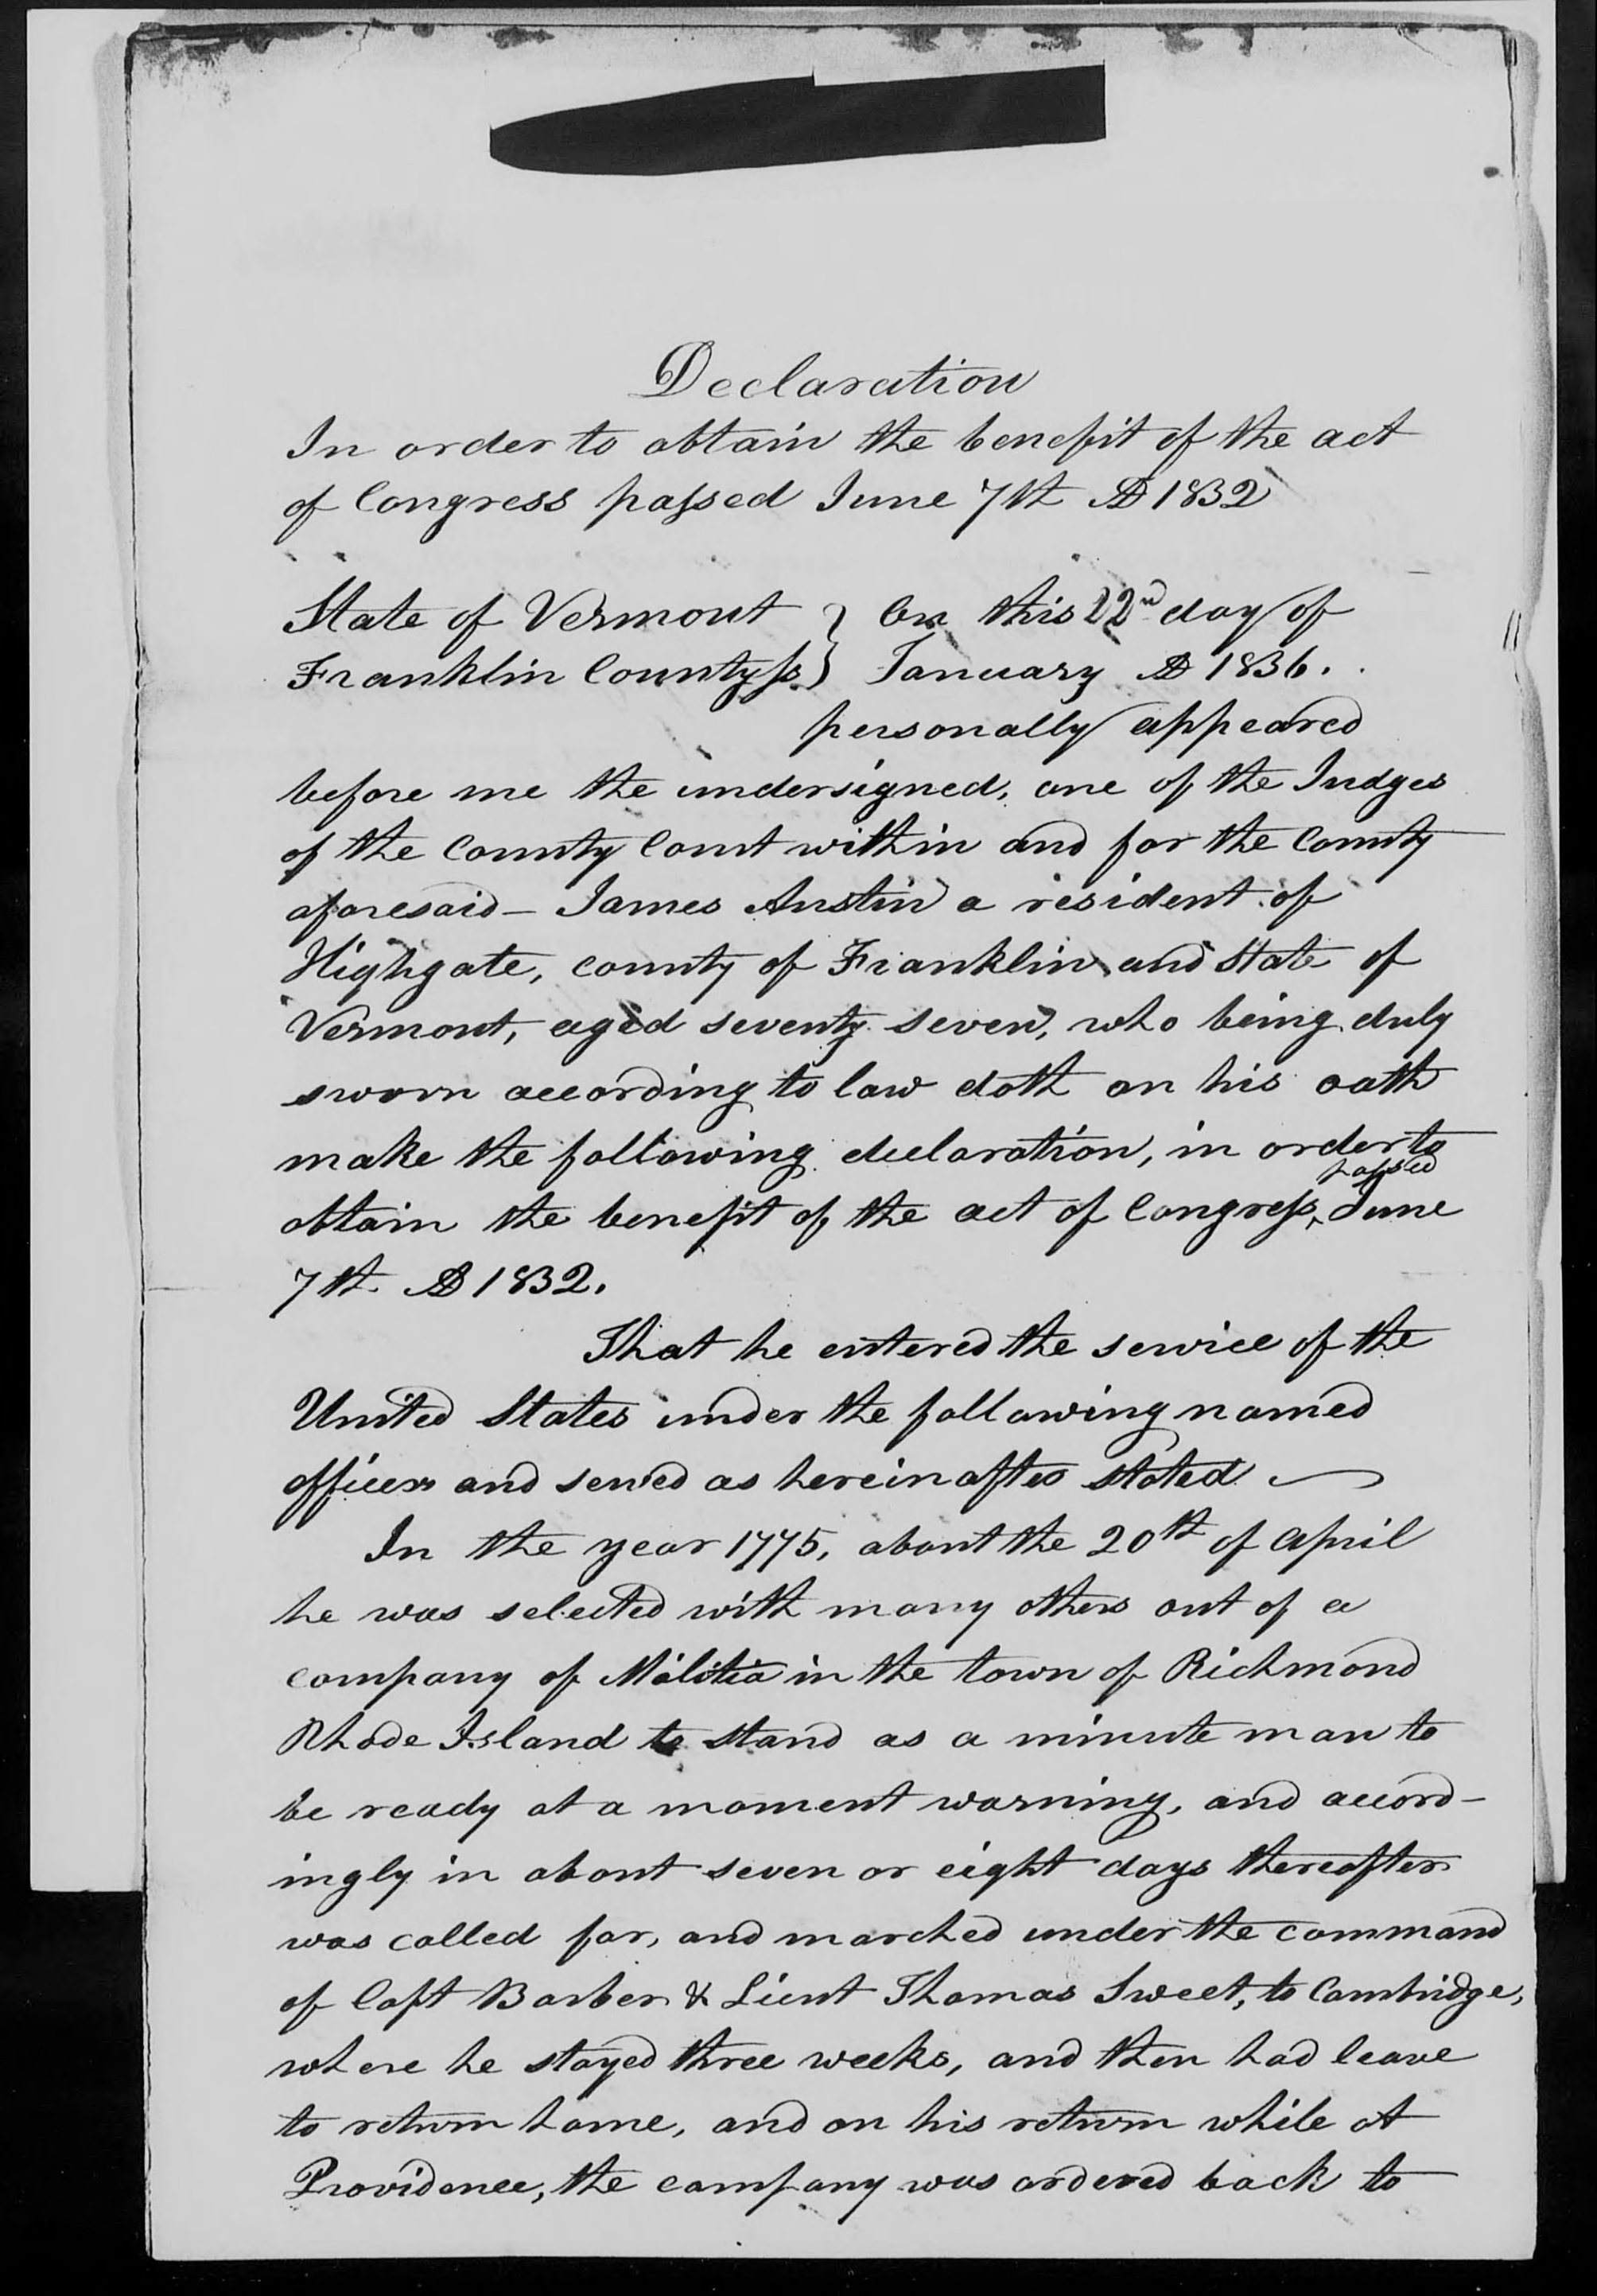Declaration
In order to obtain the benefit of the act of Congress passed June 7th 

State of Vermont  } On this 22nd day of
Franklin County    } January AD 1836,
[blank] personally appeared before me the undersigned, one of the judges of the county court within and for the county aforesaid - James Austin a resident of Highgate, county of Franklin and State of Vermont, aged seventy seven, who being duly sworn according to law doth on his oath make the following declaration, in order to obtain the benefit of the act of Congress June 7th AD 1832.
That he entered the service of the United States under the following named officers and served as hereinafter stated.
In the year 1775, about the 20th of April he was selected with many others out of a company of Militia in the town of Richmond Rhode Island to stand as a minute man to be ready at a moment warning, and accordingly in about seven or eight days thereafter was called for, and marched under the command of Capt Barber & Lieut Thomas Sweet, to Cambridge, where he stayed three weeks, and then had leave to return home, and on his return while at Providence, the company was ordered back to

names: Barber, James Austin, Thomas Sweet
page: 20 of 100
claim: survivor's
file: S 19186, James Austin, Conn. New York R.I.